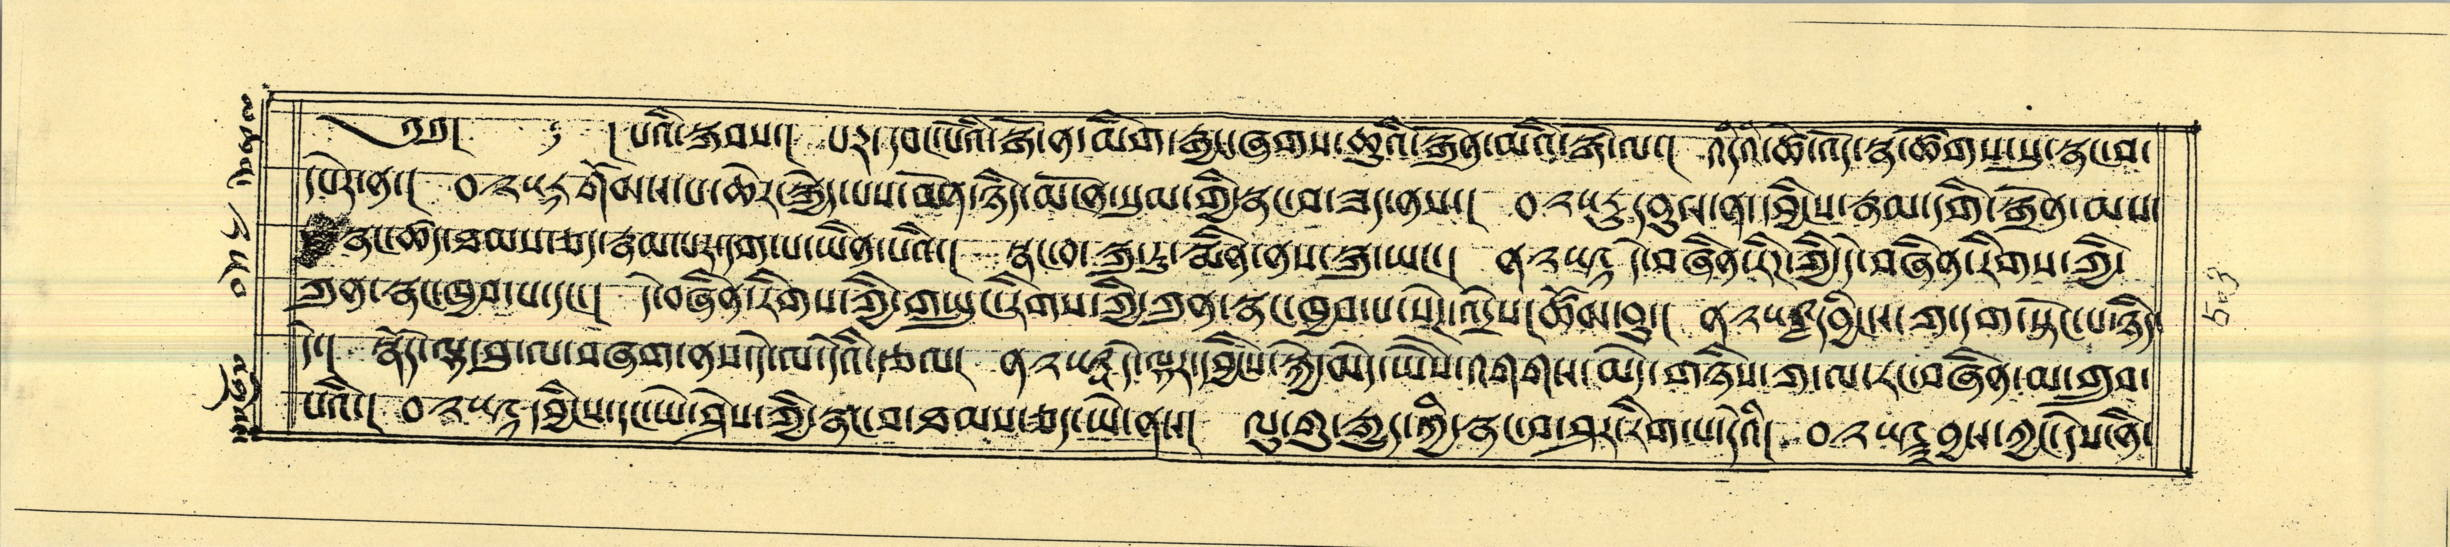པའི་སྐབས་ པར་དབང་པོའི་སྒོ་ན་མིག་རྒྱང་ཞགས་ཆུའི་སྒྲོན་མའི་སྒོ་ལ་ འདིའི་ཚེ་འོད་སྣ་ཚོགས་སུ་སྣང་བ་
དཔེར་ན་ བ༢༥༨།༡གོམས་པ་ཆེར་བསྐྱེད་པས་བོན་ཉིད་མངོིན་སུམ་གྱི་སྣང་བ་ཟད་ནས་ བ༢༥༨།༦ དབུས་ན་དབྱིངས་རྣམ་དག་གི་སྒྲོན་མས་
སྣང་ཚད་ཐམས་ཅད་རྣམ་པར་དག་པ་ཡིན་པའི་ སྣང་བ་སྐུ་རུ་སྨིན་ནས་སྐུ་ཡང་ ན༢༥༩།༡དེ་བཞིན་རིགས་ཀྱི་
ཀུན་སྣང་ཁྱབ་བ་དང་། དེ་བཞིན་རིགས་ཀྱི་གཡུང་དྲུང་རིགས་ཀྱི་ཀུན་སྣང་ཁྱབ་པ་སོགས་འདྲེས་ཚོམ་བུ་ ན༢༥༩།༤དབྱིངས་ཀ་དག་སྟོང་པ་ཉིད་
དེ། སྣོད་ལྟ་བུ་ལ་བཞག་ནས་དེ་ལ་དེ་ལ་དེའི་དེའི་རྩལ་ ན༢༥༩།༥ དེ་ལྟར་དབྱིངས་སྐྱེ་མེད་ཡེ་ཤེས་འགག་མེད་གཉིས་ཀ་ལ་རང་བཞིན་མ་གྲུབ་
པའི་བ༢༥༩།༡དབྱིངས་དང་ཡེ་ཤེས་ཀྱི་སྣང་བ་ཐམས་ཅད་ཡེ་ནས་ ལུ་གུ་རྒྱུད་ཀྱི་སྣང་བ་ཤར་རིག་པ་དེའི་ བ༢༥༩།༣བྱས་ཀྱང་དེས་ནི་